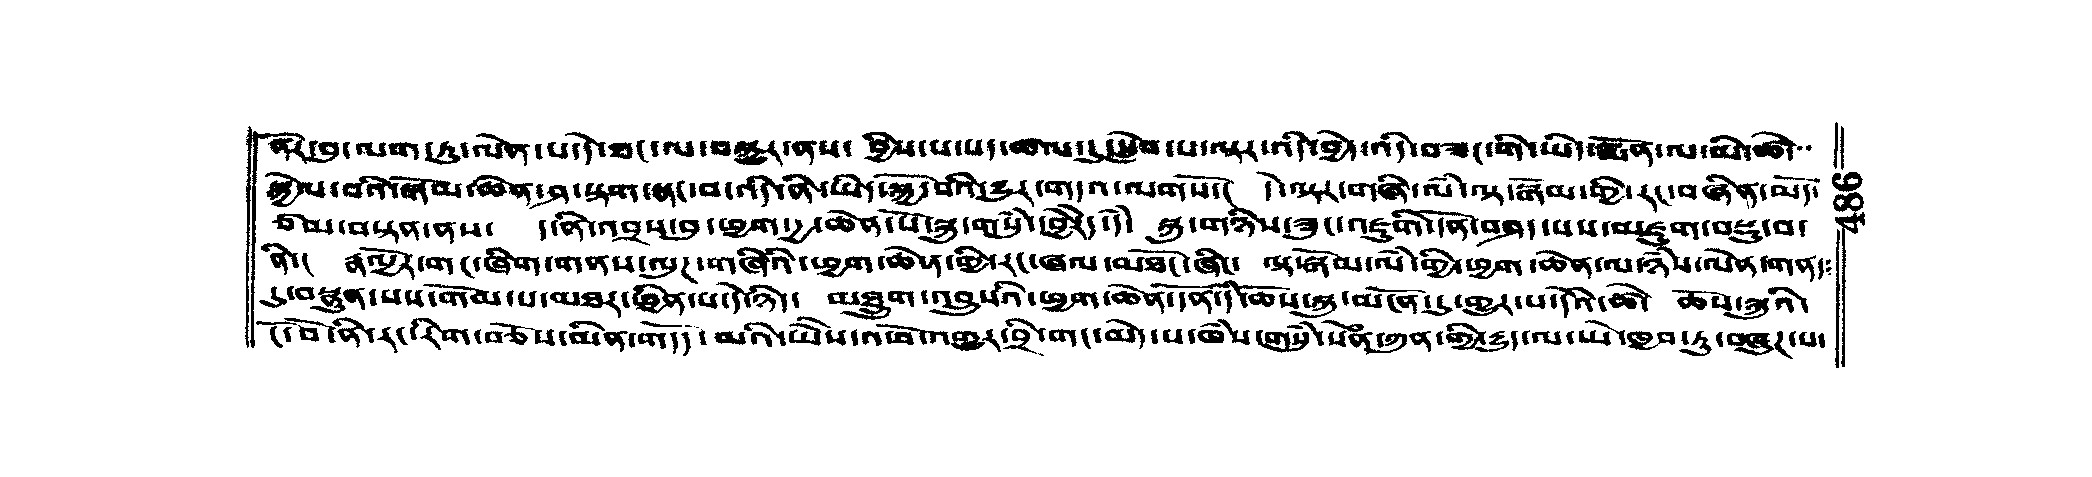ནོར་བུ་ལག་ཏུ་ལེན་པ་དེ་ཐང་ལ་བསྐྱུར་ནས།བྱིས་པ་པད་ཚལ་དུ་སླེབས་པ་ལྟར་འདི་བྱེད་འདི་བཟང་གི་ཡིད་སྨོན་ལ་མི་ཚེ་
སྐྱེལ་བའི་སྒོམ་ཆེན་ཤ་སྟག་སྣང་བ་འདི་ནི་ཡིད་སྐྱོ་བའི་རྒྱུར་གདའ་ལགས་སོ། དེ་ལྟར་གཞི་ལམ་ལྟ་སྒོམ་གྱི་རང་བཞིན་མདོ་
ཙམ་བསྟན་ནས། ད་ནི་འབྲས་བུ་ཕྱག་རྒྱ་ཆེན་པོ་སྐུ་གསུམ་དབྱེར་མེད་དམ། སྐུ་གཉིས་ཟུང་འཇུག་གི་དོན་བཤད་པས་མཇུག་བསྡུ་བ་
ནི། རྣལ་འབྱོར་གང་ཞིག་གནས་ལུགས་གཞིའི་ཕྱག་ཆེན་གྱི་རང་ཞལ་མཐོང་ཞིང་། ལྟ་སྒོམ་ལམ་གྱི་ཕྱག་ཆེན་ལ་ཉམས་ལེན་གནད་
དུ་བསྣུན་པས་གོམ་པ་མཐར་ཕྱིན་པ་དེ་ཉིད། མཐར་ཐུག་འབྲས་བུའི་ཕྱག་ཆེན་དོན་དམ་ཆོས་སྐུ་མངོན་དུ་གྱུར་པ་དེའི་ཚེ། ཆོས་སྐུའི་
ངོ་བོ་ནི་རང་རིག་བཅོས་མིན་གདོད་མའི་ཡེ་ཤེས་འཕོ་འགྱུར་བྲི་གང་མེད་པ་ཁམས་གསུམ་སེམས་ཅན་ཀུན་གྱི་རྒྱུད་ལ་ཡེ་ཁྱབ་ཏུ་བཞུགས་པ་